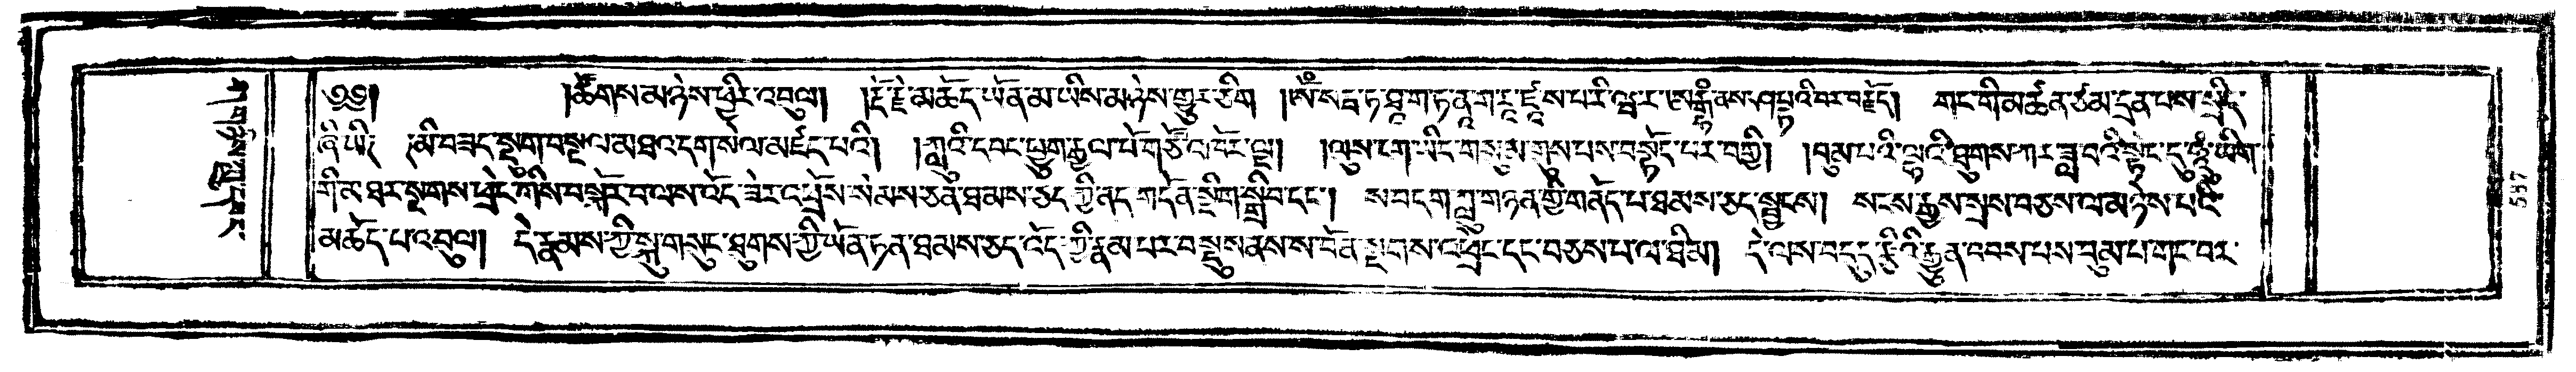༄༅། །ཚོགས་མཉེས་ཕྱིར་འབུལ། །རྡོ་རྗེ་མཆོད་ཡོན་མ་ཡིས་མཉེས་གྱུར་ཅིག། །ཨོཾ་སརྦ་ཏ་ཐཱ་ག་ཏ་ནཱ་ག་རཱ་ཛཱ་ས་པ་རི་ཝར་ཨརྒྷཾ་ནས་ཤཔྟའི་བར་བརྗོད། གང་གི་མཚན་ཙམ་དྲན་པས་སྲིད་
ཞི་ཡི། །མི་བཟང་སྡུག་བསྔལ་མཐའ་དག་སེལ་མཛད་པའི། །ཀླུའི་དབང་ཕྱུག་རྒྱལ་པོ་གཙོ་འཁོར་ལྔ། །ལུས་ངག་ཡིང་གསུམ་གུས་པས་བསྟོད་པར་བགྱི། །བུམ་པའི་ལྷའི་ཐུགས་ཀར་ཟླ་བའི་སྟེང་དུ་ཧཱུཾ་ཡིས་
གི་མཐར་སྔགས་ཕྲེང་གིས་བསྐོར་བ་ལས་འོད་ཟེར་འཕྲོས་སེམས་ཅན་ཐམས་ཅད་ཀྱི་ནད་གདོན་སྡིག་སྒྲིབ་དང་། ས་བདག་ཀླུ་གཉན་གྱི་གནོད་པ་ཐམས་ཅད་སྦྱངས། སངས་རྒྱས་སྲས་བཅས་ལ་མཉེས་པའི་
མཆོད་པ་འབུལ། དེ་རྣམས་ཀྱི་སྐུ་གསུང་ཐུགས་ཀྱི་ཡོན་ཏན་ཐམས་ཅད་འོད་ཀྱི་རྣམ་པར་བསྡུས་ནས་ས་བོན་སྔགས་འཕྲེང་དང་བཅས་པ་ལ་ཐིམ། དེ་ལས་བདུད་རྩིའི་རྒྱུན་འབབས་པས་བུམ་པ་གང་བར་